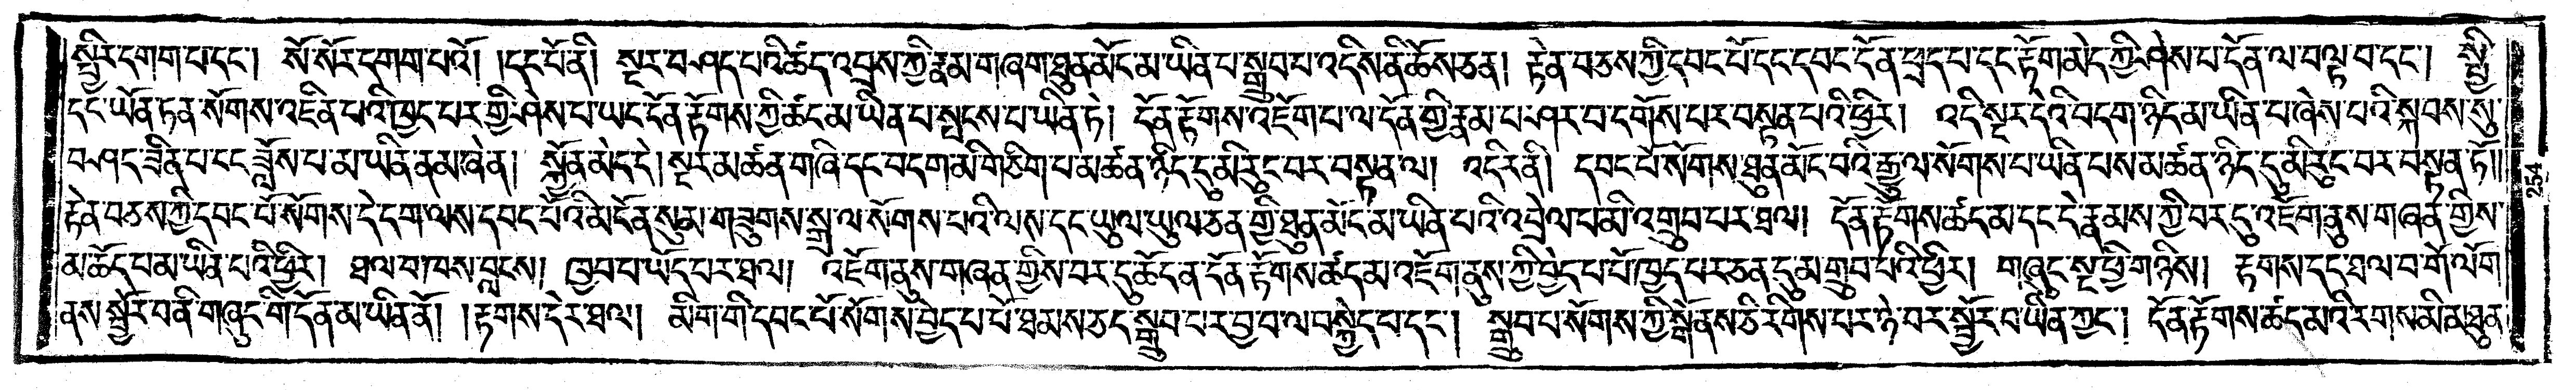སྤྱིར་དགག་པ་དང་། སོ་སོར་དགག་པའོ། །དང་པོ་ནི། སྔར་བཤད་པའི་ཚད་འབྲས་ཀྱི་རྣམ་གཞག་ཐུན་མོང་མ་ཡིན་པ་སྒྲུབ་པ་འདིས་ནི་ཆོས་ཅན། རྟེན་བཅས་ཀྱི་དབང་པོ་དང་དབང་དོན་ཕྲད་པ་དང་རྟོག་མེད་ཀྱི་ཤེས་པ་དོན་ལ་བལྟ་བ་དང་། སྤྱི་
དང་ཡོན་ཏན་སོགས་འཛིན་པའི་ཁྱད་པར་གྱི་ཤེས་པ་ཡང་དོན་རྟོགས་ཀྱི་ཚད་མ་ཡིན་པ་སྤངས་པ་ཡིན་ཏེ། དོན་རྟོགས་འཇོག་པ་ལ་དོན་གྱི་རྣམ་པ་ཤར་བ་དགོས་པར་བསྟན་པའི་ཕྱིར། འདི་སྔར་དེའི་བདག་ཉིད་མ་ཡིན་པ་ཞེས་པའི་སྐབས་སུ་
བཤད་ཟིན་པ་དང་ཟློས་པ་མ་ཡིན་ནམ་ཞེ་ན། སྐྱོན་མེད་དེ། སྔར་མཚན་གཞི་དང་བདག་མི་གཅིག་པ་མཚན་ཉིད་དུ་མི་རུང་བར་བསྟན་ལ། འདིར་ནི། དབང་པོ་སོགས་ཐུན་མོང་བའི་རྒྱུ་ལ་སོགས་པ་ཡིན་པས་མཚན་ཉིད་དུ་མི་རུང་བར་བསྟན་ཏོ།།
རྟེན་བཅས་ཀྱི་དབང་པོ་སོགས་དེ་དག་ལས་དབང་པོའི་མངོན་སུམ་གཟུགས་སྒྲ་ལ་སོགས་པའི་ལས་དང་ཡུལ་ཡུལ་ཅན་གྱི་ཐུན་མོང་མ་ཡིན་པའི་འབྲེལ་པ་མི་འགྲུབ་པར་ཐལ། དོན་རྟོགས་ཚད་མ་དང་དེ་རྣམས་ཀྱི་བར་དུ་འཇོག་ནུས་གཞན་གྱིས་
མ་ཆོད་པ་མ་ཡིན་པའི་ཕྱིར། ཐལ་བ་ཁས་བླངས། ཁྱབ་པ་ཡོད་པར་ཐལ། འཇོག་ནུས་གཞན་གྱིས་བར་དུ་ཆོད་ན་དོན་རྟོགས་ཚད་མ་འཇོག་ནུས་ཀྱི་བྱེད་པ་པོ་ཁྱད་པར་ཅན་དུ་མ་གྲུབ་པའི་ཕྱིར། གཞུང་སྔ་ཕྱི་གཉིས། རྟགས་དང་ཐལ་བ་གོ་ལོག་
ནས་སྦྱོར་བ་ནི་གཞུང་གི་དོན་མ་ཡིན་ནོ། །རྟགས་དེར་ཐལ། མིག་གི་དབང་པོ་སོགས་བྱེད་པ་པོ་ཐམས་ཅད་སྒྲུབ་པར་བྱ་བ་ལ་བསྐྱེད་པ་དང་། སྒྲུབ་པ་སོགས་ཀྱི་སྒོ་ནས་ཅི་རིགས་པར་ཉེ་བར་སྦྱོར་བ་ཡིན་ཀྱང་། དོན་རྟོགས་ཚད་མའི་རགས་མི་མཐུན་